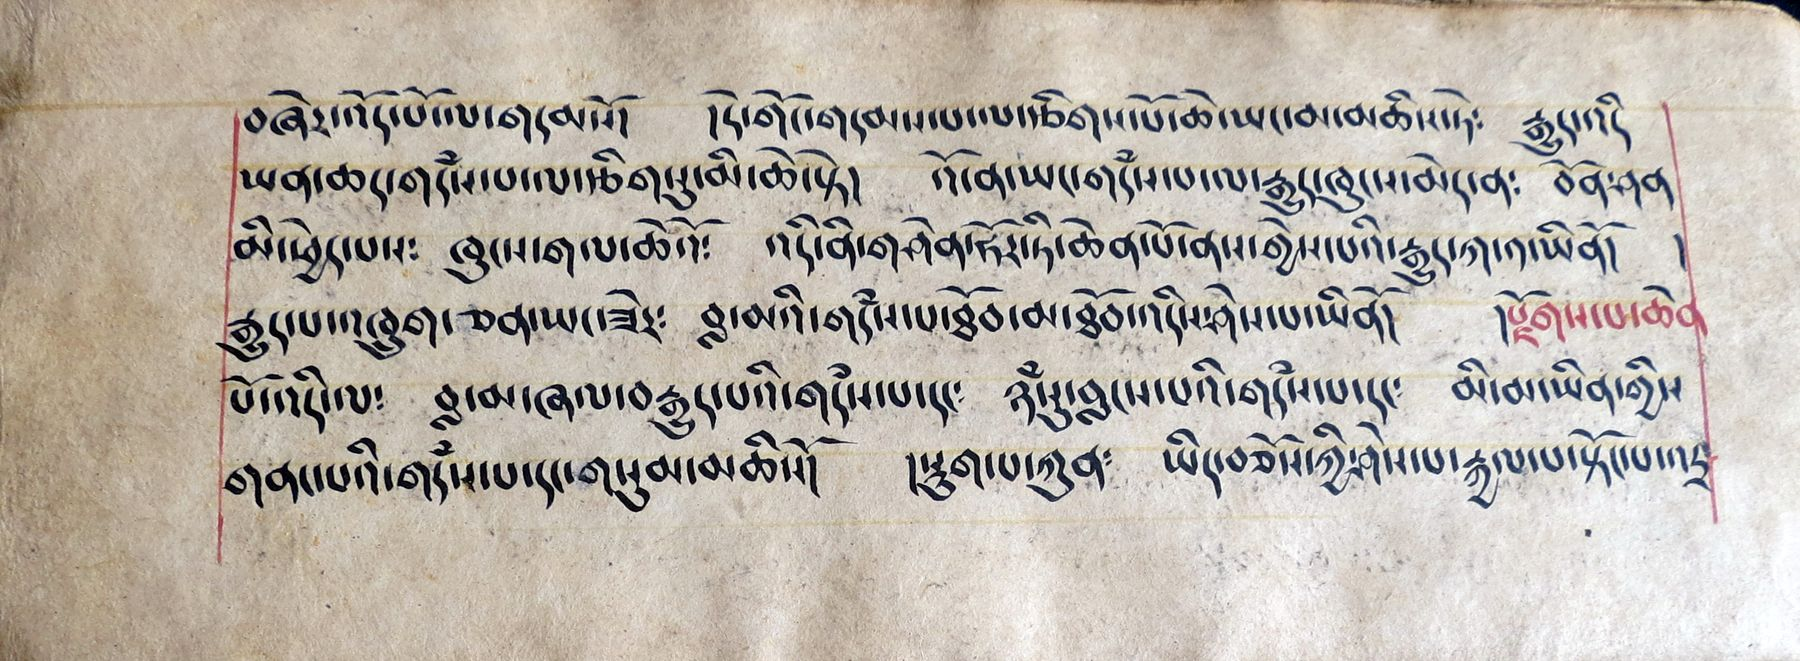སྣང་བཞེར་འོད་པོ་ལ་གདམས་སོ། །དེ་གོང་གདམས་པ་རྩིགས་པོ་ཆེ་ཡང་མ་མཆིས་ཏེ། རྒྱུད་འདི་
ཡན་ཆད་གདམས་པ་ལ་རྩིགས་སུ་མི་ཆེ་སྟེ། འོ་ན་ཡང་གདམས་པ་ལ་བརྒྱུད་ཁུངས་མེད་ན་བོན་ཤན་
མི་ཕྱེད་པས། ཁུངས་གལ་ཆེའོ། །འདི་ནི་གཤེན་ཧོར་ཏི་ཆེན་པོ་ནས་གྱེས་རྒྱུད་པ་ཀ་གཅིག་ཡིན་ནོ། །
བརྒྱུད་པ་འཁྲུག་ཅན་ཡང་ཟེར། །བླ་མའི་གདམས་པ་ཐོབ་མ་ཐོབ་འདིས་ཤེས་པ་ཡིན་ནོ། །རྫོགས་པ་ཆེན་
པོ་འདི་ལ། བླ་མ་ཞལ་བརྒྱུད་པའི་གདམས་པ་དང་། ཉམས་སུ་བླངས་པའི་གདམས་པ་དང་། མི་མ་ཡིན་གྱིས་
གནང་བའི་གདམས་པ་དང་གསུམ་མཆིས་སོ། །སྡུག་པ་ཀུན་ཡིད་བཅོས་ཀྱིས་ཤེས་པ་ཀྱལ་པ་སྟོང་པ་འདྲ།